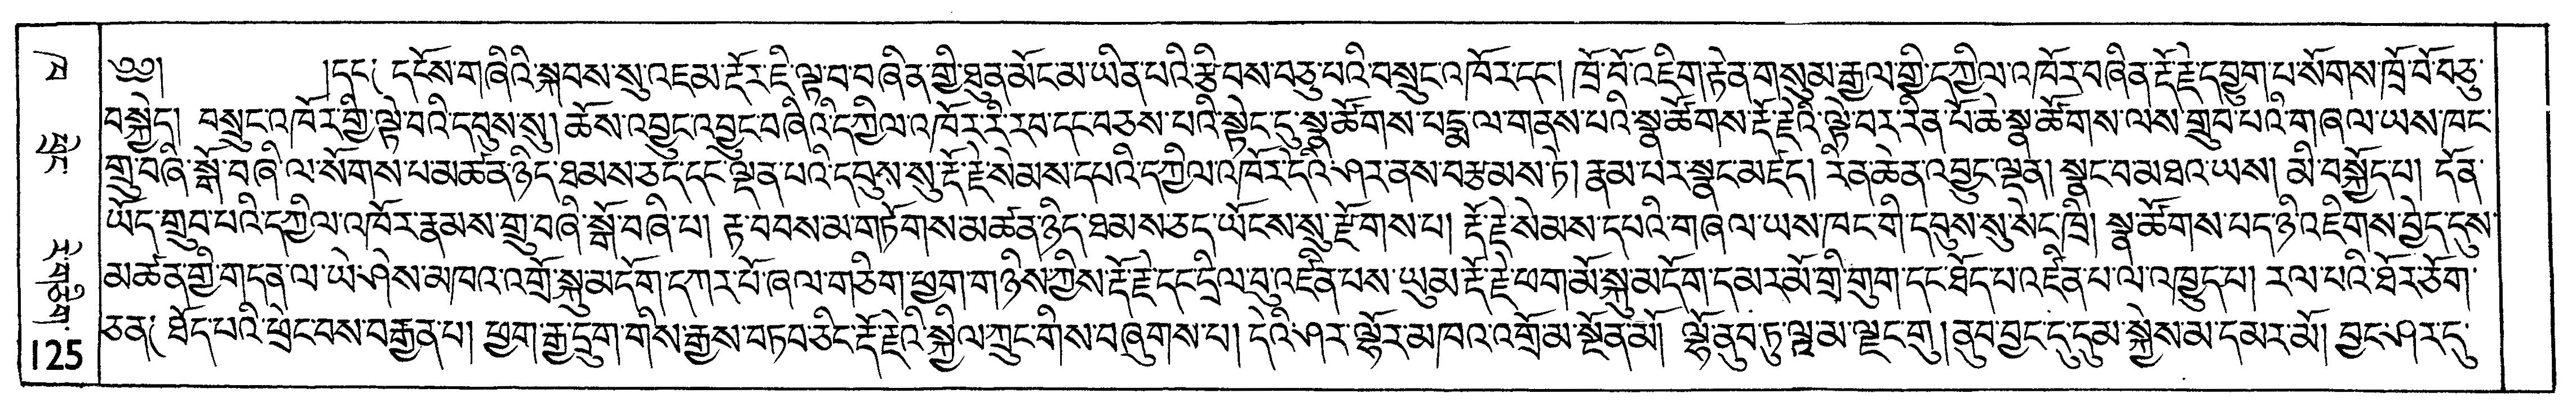༄༅། །དང༑ དངོས་གཞིའི་སྐབས་སུ་འཇམ་རྡོར་ཇི་ལྟ་བ་བཞིན་གྱི་ཐུན་མོང་མ་ཡིན་པའི་རྩིབས་བཅུ་པའི་བསྲུང་འཁོར་དང་། ཁྲོ་བོ་འཇིག་རྟེན་གསུམ་རྒྱལ་གྱི་དཀྱིལ་འཁོར་བཞིན་རྡོ་རྗེ་དབྱུག་པ་སོགས་ཁྲོ་བོ་བཅུ་
བསྐྱེད། བསྲུང་འཁོར་གྱི་ལྟེ་བའི་དབུས་སུ། ཆོས་འབྱུང་འབྱུང་བཞིའི་དཀྱིལ་འཁོར་རི་རབ་དང་བཅས་པའི་སྟེང་དུ་སྣ་ཚོགས་པདམ་ལ་གནས་པའི་སྣ་ཚོགས་རྡོ་རྗེའི་ལྟེ་བར་རིན་པོ་ཆེ་སྣ་ཚོགས་ལས་གྲུབ་པའི་གཞལ་ཡས་ཁང་
གྲུ་བཞི་སྒོ་བཞི་ལ་སོགས་པ་མཚན་ཉིད་ཐམས་ཅད་དང་ལྡན་པའི་དབུས་སུ་རྡོ་རྗེ་སེམས་དཔའི་དཀྱིལ་འཁོར་དེའི་ཤར་ནས་བརྩམས་ཏེ། རྣམ་པར་སྣང་མཛད། རིན་ཆེན་འབྱུང་ལྡན། སྣང་བ་མཐའ་ཡས། མི་བསྐྱོད་པ། དོན་
ཡོད་གྲུབ་པའི་དཀྱིལ་འཁོར་རྣམས་གྲུ་བཞི་སྒོ་བཞི་པ། རྟ་བབས་མ་གཏོགས་མཚན་ཉིད་ཐམས་ཅད་ཡོངས་སུ་རྫོགས་པ། རྡོ་རྗེ་སེམས་དཔའི་གཞལ་ཡས་ཁང་གི་དབུས་སུ་སེང་ཁྲི། སྣ་ཚོགས་པད་ཉི་འཇིགས་བྱེད་དུས་
མཚན་གྱི་གདན་ལ་ཡེ་ཤེས་མཁའ་འགྲོ་སྐུ་མདོག་དཀར་པོ་ཞལ་གཅིག་ཕྱག་གཉིས་ཀྱིས་རྡོ་རྗེ་དང་དྲིལ་བུ་འཛིན་པས་ཡུམ་རྡོ་རྗེ་ཕག་མོ་སྐུ་མདོག་དམར་མོ་གྲི་གུག་དང་ཐོད་པ་འཛིན་པ་ལ་འཁྱུད་པ། རལ་པའི་ཐོར་ཅོག་
ཅན༑ ཐོད་པའི་ཕྲེང་བས་བརྒྱན་པ། ཕྱག་རྒྱ་དྲུག་གིས་རྒྱས་བཏབ་ཅིང་རྡོ་རྗེའི་སྐྱིལ་ཀྲུང་གིས་བཞུགས་པ། དེའི་ཤར་ལྷོར་མཁའ་འགྲོ་མ་སྔོན་མོ། ལྷོ་ནུབ་ཏུ་ལཱ་མ་ལྗང་གུ། ནུབ་བྱང་དུ་དུམ་སྐྱེས་མ་དམར་མོ། བྱང་ཤར་དུ་